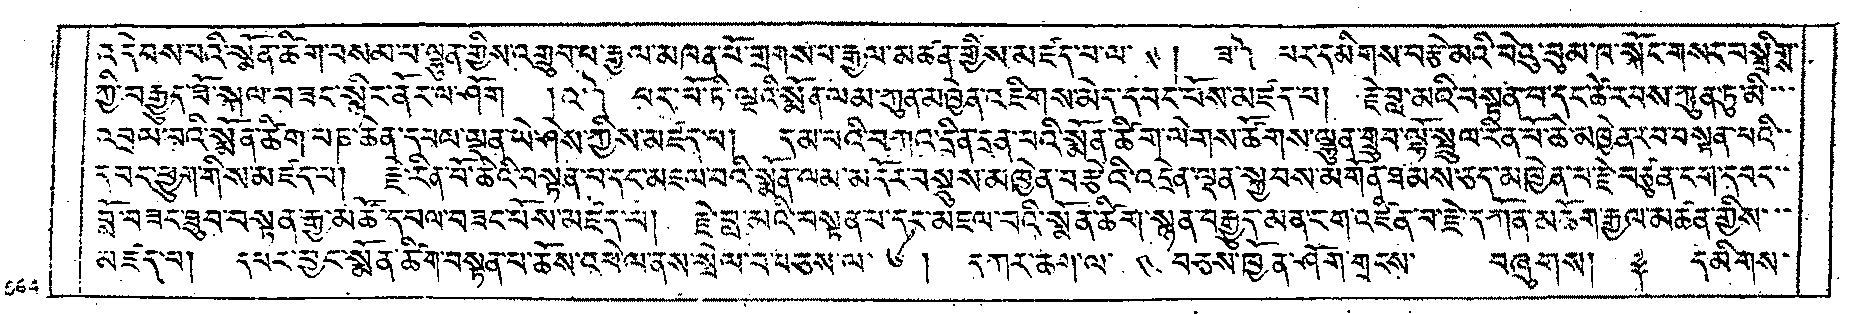འདེབས་པའི་སྨོན་ཚིག་བསམ་པ་ལྷུན་གྱིས་འགྲུབ་པ་རྒྱལ་མཁན་པོ་གྲགས་པ་རྒྱལ་མཚན་གྱིས་མཛད་པ་ལ ༤། ཟ྄་པར་དམིགས་བརྩེ་མའི་བེའུ་བུམ་ཁ་སྐོང་གསར་བསྒྲིགས་
ཀྱི་བརྒྱུད་ཐོ་སྐལ་བཟང་སྙིང་ནོར་ལ་ཤོག །འ྄་པར་པོ་ཏི་ལྔའི་སྨོན་ལམ་ཀུན་མཁྱེན་འཇིགས་མེད་དབང་པོས་མཛད་པ། རྗེ་བླ་མའི་བསྟན་པ་དང་ཚེ་རབས་ཀུན་ཏུ་མི་
འབྲལ་བའི་སྨོན་ཚིག་པཎ་ཆེན་དཔལ་ལྡན་ཡེ་ཤེས་ཀྱིས་མཛད་པ། དམ་པའི་བཀའ་དྲིན་དྲན་པའི་སྨོན་ཚིག་ལེགས་ཚོགས་ལྷུན་གྲུབ་ལྷོ་སྤྲུལ་རིན་པོ་ཆེ་མཁྱེན་རབ་བསྟན་པའི་
དབང་ཕྱུག་གིས་མཛད་པ། རྗེ་རིན་པོ་ཆེའི་བསྟན་པ་དང་མཇལ་བའི་སྨོན་ལམ་མདོར་བསྡུས་མཁྱེན་བརྩེའི་འདྲེན་ལྡན་སྐྱབས་མགོན་ཐམས་ཅད་མཁྱེན་པ་རྗེ་བཙུན་ངག་དབང་
བློ་བཟང་ཐུབ་བསྟན་རྒྱ་མཚོ་དཔལ་བཟང་པོས་མཛད་པ། རྗེ་བླ་མའི་བསྟན་པ་དང་མཇལ་བའི་སྨོན་ཚིག་སྙན་བརྒྱུད་མན་ངག་འཛིན་པ་རྗེ་དཀོན་མཆོག་རྒྱལ་མཚན་གྱིས་
མཛད་པ། དཔར་བྱང་སྨོན་ཚིག་བསྟན་པ་ཆོས་འཕེལ་ནས་སྤེལ་བ་བཅས་ལ ༦། དཀར་ཆག་ལ ༤་བཅས་ཁྱོན་ཤོག་གྲངས་བཞུགས། ༈ དམིགས་